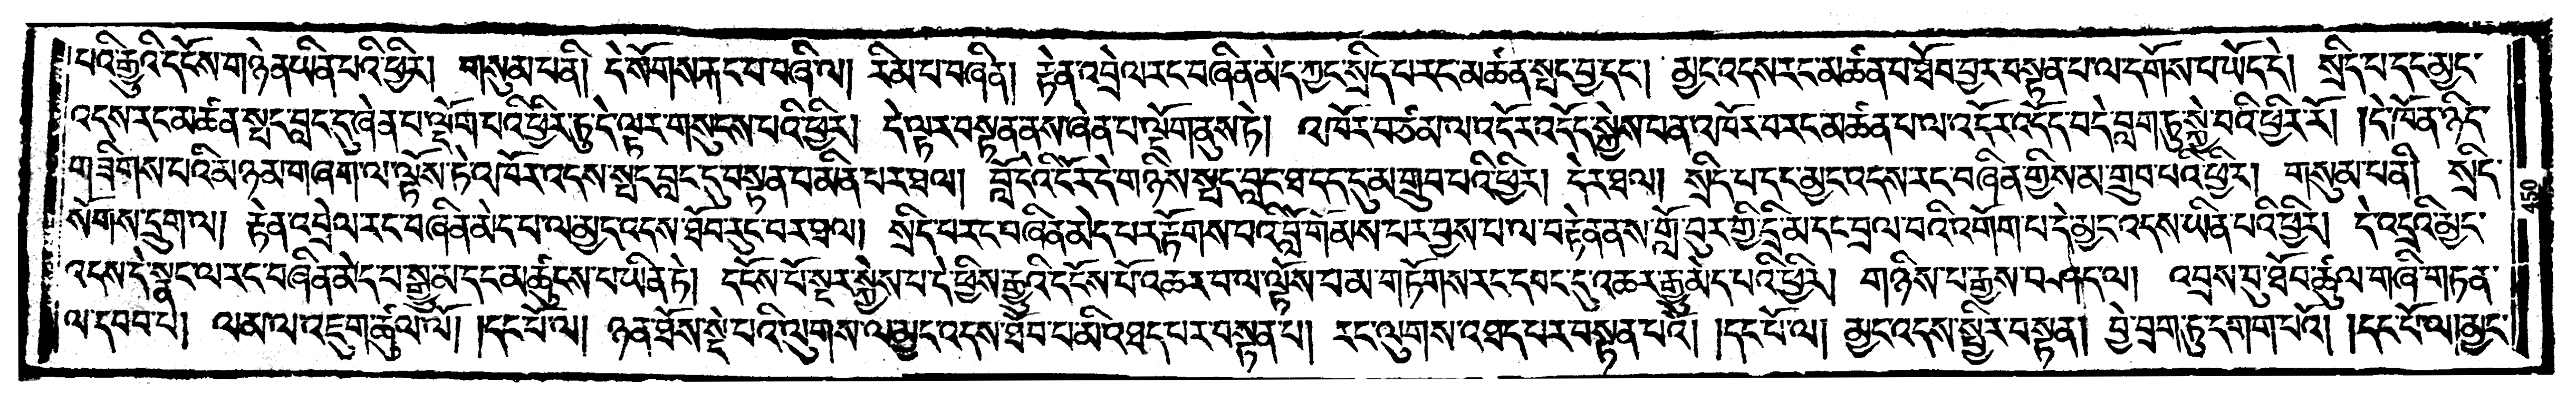པའི་རྒྱུའི་དངོས་གཉེན་ཡིན་པའི་ཕྱིར། གསུམ་པ་ནི། དེ་སོགས་རྐང་པ་བཞི་ལ། རིམ་པ་བཞིན། རྟེན་འབྲེལ་རང་བཞིན་མེད་ཀྱང་སྲིད་པ་རང་མཚན་སྤང་བྱ་དང་། མྱང་འདས་རང་མཚན་པ་ཐོབ་བྱར་བསྟན་པ་ལ་དགོས་པ་ཡོད་དེ། སྲིད་པ་དང་མྱང་
འདས་རང་མཚན་སྤང་བླང་དུ་ཞེན་པ་ལྡོག་པའི་ཕྱིར་ཏུ་དེ་ལྟར་གསུངས་པའི་ཕྱིར། དེ་ལྟར་བསྟན་ནས་ཞེན་པ་ལྡོག་ནུས་ཏེ། འཁོར་བ་ཙམ་ལ་འདོར་འདོད་སྐྱེས་པ་ན་འཁོར་བ་རང་མཚན་པ་ལ་འདོར་འདོད་བདེ་བླག་ཏུ་སྐྱེ་བའི་ཕྱིར་རོ། །དེ་ཁོ་ན་ཉིད་
གཟིགས་པའི་མཉམ་གཞག་ལ་ལྟོས་ཏེ་འཁོར་འདས་སྤང་བླང་དུ་བསྟན་པ་མིན་པར་ཐལ། བློ་དེའི་ངོར་དེ་གཉིས་སྤང་བླང་ཐ་དད་དུ་མ་གྲུབ་པའི་ཕྱིར། དེར་ཐལ། སྲིད་པ་དང་མྱང་འདས་རང་བཞིན་གྱིས་མ་གྲུབ་པའི་ཕྱིར། གསུམ་པ་ནི། སྲིད་
སོགས་དྲུག་ལ། རྟེན་འབྲེལ་རང་བཞིན་མེད་པ་ལ་མྱང་འདས་ཐོབ་རུང་བར་ཐལ། སྲིད་པ་རང་བཞིན་མེད་པར་རྟོགས་པའི་བློ་གོམས་པར་བྱས་པ་ལ་བརྟེན་ནས་གློ་བུར་གྱི་དྲི་མ་དང་བྲལ་བའི་འགོག་པ་དེ་མྱང་འདས་ཡིན་པའི་ཕྱིར། དེ་འདྲའི་མྱང་
འདས་དེ་སྣང་ལ་རང་བཞིན་མེད་པ་སྒྱུ་མ་དང་མཚུངས་པ་ཡིན་ཏེ། དངོས་པོ་སྔར་སྐྱེས་པ་དེ་ཕྱིས་རྒྱུའི་དངོས་པོ་འཆར་བ་ལ་ལྟོས་པ་མ་གཏོགས་རང་དབང་དུ་འཆར་རྒྱུ་མེད་པའི་ཕྱིར། གཉིས་པ་རྒྱས་བཤད་ལ། འབྲས་བུ་ཐོབ་ཚུལ་གཞི་གཏན་
ལ་དབབ་པ། ལམ་ལ་འཇུག་ཚུལ་ལོ། །དང་པོ་ལ། ཉན་ཐོས་སྡེ་པའི་ལུགས་ལ་མྱང་འདས་ཐོབ་པ་མི་འཐད་པར་བསྟན་པ། རང་ལུགས་འཐད་པར་བསྟན་པའོ། །དང་པོ་ལ། མྱང་འདས་སྤྱིར་བསྟན། བྱེ་བྲག་ཏུ་དགག་པའོ། །དང་པོ་ལ། མྱང་